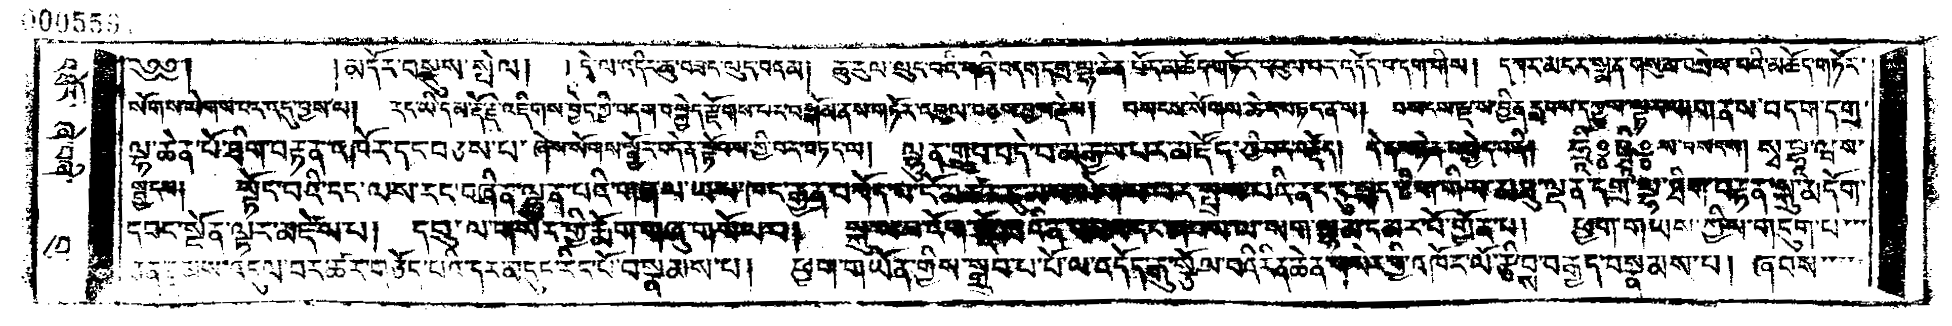༄༅། །མདོར་བསྡུས་སྤེལ། །དེ་ལ་འདིར་ཆུ་བཟང་ལུང་བའམ། ཆུ་རུལ་ལུང་པའི་གཞི་བདག་དགྲ་ལྷ་ཆེན་པོར་མཆོད་གཏོར་འབུལ་བར་འདོད་པ་དག་གིས། དཀར་མངར་སྨན་གསུམ་བསྲེས་པའི་མཆོད་གཏོར་
སོགས་ལེགས་པར་འདུ་བྱས་ལ། རང་ཡི་དམ་རྡོ་རྗེ་འཇིགས་བྱེད་ཀྱི་བདག་བསྐྱེད་རྫོགས་པར་བསྒོམ་ནས་གཏོར་འབུལ་བཅས་བྱས་རྗེས། བསངས་སོགས་ཆེར་བཏང་ནས། བསངས་རྫས་བྱིན་རླབས་དཀྱུས་ལྟར་ལ། གནས་བདག་དགྲ་
ལྷ་ཆེན་པོ་ཐིག་བརྟན་འཁོར་དང་བཅས་པ་ཞེས་སོགས་སྦྱོར་བདེན་སྟོབས་ཀྱི་བར་བཏང་ལ།  ལྷུན་གྲུབ་བདེ་བ་མ་རྒྱས་པར་མཛོད་ཀྱི་བར་བརྗོད། དེ་ནས་རྟེན་བསྐྱེད་པ་ནི།  ཧྲཱིཿ ཥྚྲཱིཿ ས་བསངས།  སྭ་བྷཱ་ཝས་
སྦྱངས། སྟོང་བའི་ངང་ལས་རང་བཞིན་ལྷུན་པའི་གཞལ་ཡས་ཁང་རྒྱན་བཀོད་པ་ངོ་མཚར་དུ་མས་ལེགས་པར་སྤྲས་པའི་ནང་དུ་སྐད་ཅིག་གིས་མཐུ་ལྡན་དགྲ་ལྷ་ཐིག་བརྟན་སྐུ་མདོག་
དབང་སྔོན་ལྟར་མཛེས་པ། དབུ་ལ་གསེར་གྱི་རྨོག་གཞུ་གསོལ་བ། སྐུ་ལ་ཟ་འོག་སྔོ་ཁྲའི་ན་བཟའ་དང་ཞབས་ལ་སག་ལྷམ་དམར་པོ་གྱོན་པ། ཕྱག་གཡས་ཀྱིས་གདུག་པ་
ཅན་རྣམས་འདུལ་བར་ཚར་གཅོད་པའི་དར་མདུང་རིང་པོ་བསྣམས་པ། ཕྱག་གཡོན་གྱིས་སྒྲུབ་པ་པོ་ལ་འདོད་རྒུ་སྩོལ་བའི་རིན་ཆེན་གསེར་གྱི་འཁོར་ལོ་རྩིབས་བརྒྱད་བསྣམས་པ། ཞབས་